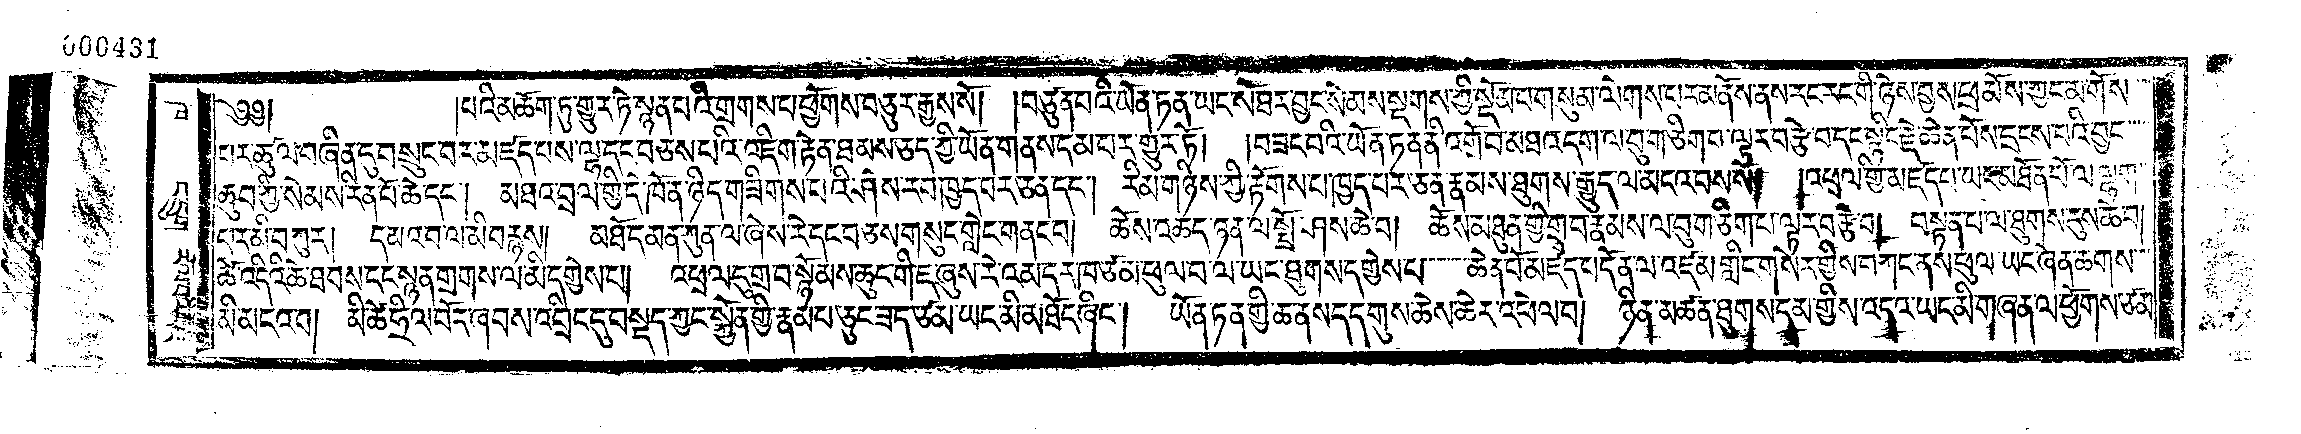༄༅། །པའི་མཆོག་ཏུ་གྱུར་ཏེ་སྙན་པའི་གྲགས་པ་ཕྱོགས་བཅུར་རྒྱས་སོ། །བཙུན་པའི་ཡོན་ཏན་ཡང་སོ་ཐར་བྱང་སེམས་སྔགས་ཀྱི་སྡོམ་པ་གསུམ་ལེགས་པར་མནོས་ནས་རང་རང་གི་ཉེས་བྱས་ཕྲ་མོས་ཀྱང་མ་གོས་
པར་ཚུལ་བཞིན་དུ་བསྲུང་བར་མཛད་པས་ལྷ་དང་བཅས་པའི་འཇིག་རྟེན་ཐམས་ཅད་ཀྱི་ཡོན་གནས་དམ་པར་གྱུར་ཏོ། །བཟང་བའི་ཡོན་ཏན་ནི་འགྲོ་བ་མཐའ་དག་ལ་བུ་གཅིག་པ་ལྟར་བརྩེ་བ་དང་སྙིང་རྗེ་ཆེན་པོས་དྲངས་པའི་བྱང་
ཆུབ་ཀྱི་སེམས་རིན་པོ་ཆེ་དང་། མཐའ་བྲལ་གྱི་དེ་ཁོ་ན་ཉིད་གཟིགས་པའི་ཤེས་རབ་ཁྱད་པར་ཅན་དང་། རིམ་གཉིས་ཀྱི་རྟོགས་པ་ཁྱད་པར་ཅན་རྣམས་ཐུགས་རྒྱུད་ལ་མངའ་བས་སོ། །འཕྲལ་གྱི་མཛད་པ་ཡང་མཐོན་པོ་ལ་ལྷག་
པར་མི་བཀུར། དམའ་བ་ལ་མི་བརྙས། མཐོ་དམན་ཀུན་ལ་ཞེ་ས་རེ་དང་བཅས་གསུང་གླེང་གནང་བ། ཆོས་འཆད་ཉན་ལ་སྤྲོ་ཤས་ཆེ་བ། ཆོས་མཐུན་གྱི་གྲ་བ་རྣམས་ལ་བུ་གཅིག་བ་ལྟར་བརྩེ་བ། བསྟན་པ་ལ་ཐུགས་རུས་ཆེ་བ།
ཚེ་འདིའི་ཆེ་ཐབས་དང་སྙན་གྲགས་ལ་མི་དགྱེས་པ། འཕྲལ་དུ་གྲ་བ་སྙོམས་ཆུང་གི་ཇ་ཞུས་རེའམ་དར་ཁ་ཙམ་ཕུལ་བ་ལ་ཡང་ཐུགས་དགྱེས་པ་ཆེན་པོ་མཛད་པ་དོན་ལ་འཛམ་གླིང་གསེར་གྱིས་བཀང་ནས་ཕུལ་ཡང་ཞེན་ཆགས་
མི་མངའ་བ། མི་ཚེ་ཧྲིལ་པོར་ཞབས་འབྲིང་དུ་བསྡད་ཀྱང་སྐྱོན་གྱི་རྣམ་པ་ཅུང་ཟད་ཙམ་ཡང་མི་མཐོང་ཞིང་། ཡོན་ཏན་གྱི་ཆ་ནས་དད་གུས་ཆེས་ཆེར་འཕེལ་བ། ཉིན་མཚན་ཐུགས་དམ་གྱིས་འདའ་ཡང་མི་གཞན་ལ་ཕྱོགས་ཙམ་